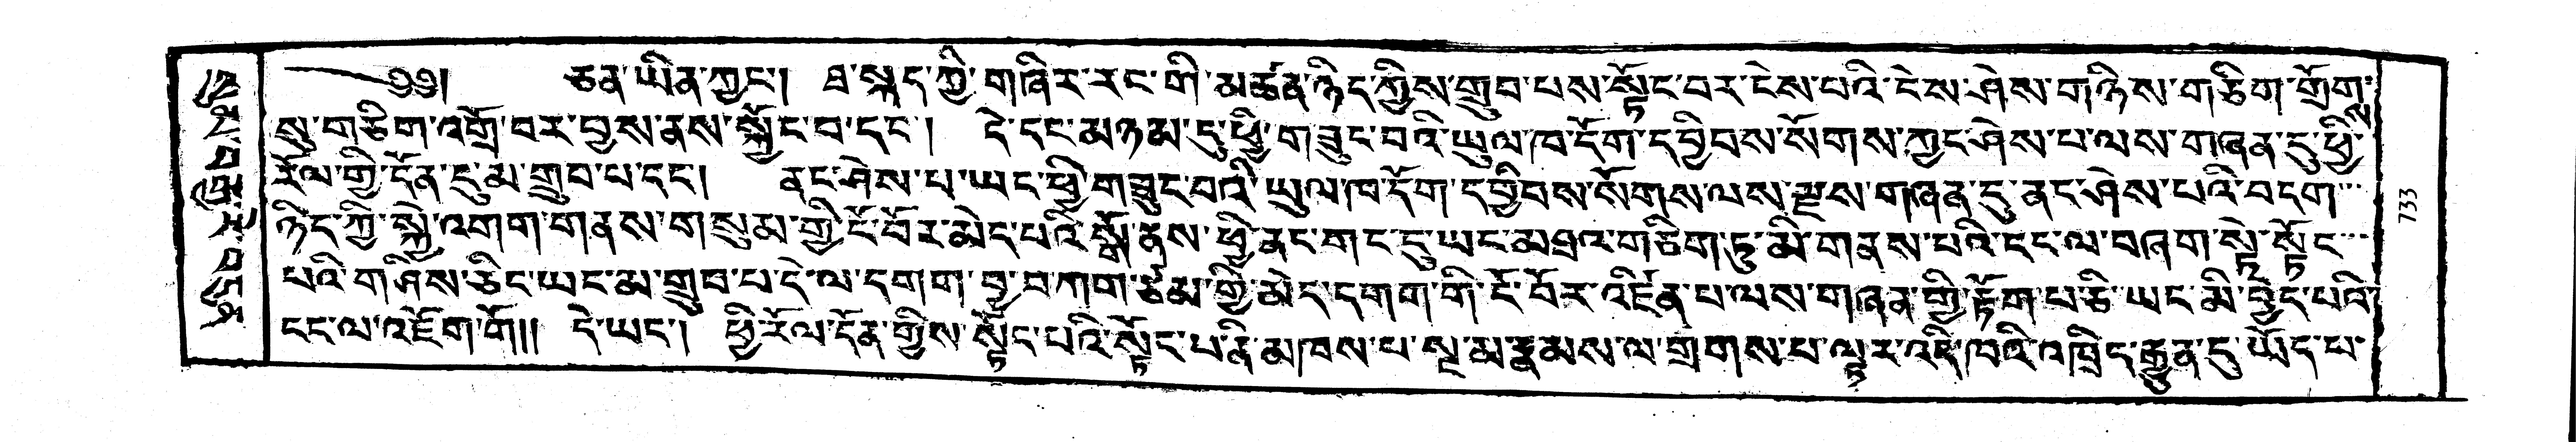༄༅། །ཅན་ཡིན་ཀྱང་། ཐ་སྙད་ཀྱི་གཞིར་རང་གི་མཚན་ཉིད་ཀྱིས་གྲུབ་པས་སྟོང་བར་ངེས་པའི་ངེས་ཤེས་གཉིས་གཅིག་གྲོགས་
སུ་གཅིག་འགྲོ་བར་བྱས་ནས་སྐྱོང་བ་དང་། དེ་དང་མཉམ་དུ་ཕྱི་གཟུང་བའི་ཡུལ་ཁ་དོག་དབྱིབས་སོགས་ཀྱང་ཤེས་པ་ལས་གཞན་དུ་ཕྱི་
རོལ་གྱི་དོན་དུ་མ་གྲུབ་པ་དང་། ནང་ཤེས་པ་ཡང་ཕྱི་གཟུང་བའི་ཡུལ་ཁ་དོག་དབྱིབས་སོགས་ལས་རྫས་གཞན་དུ་ནང་ཤེས་པའི་བདག་
ཉིད་ཀྱི་སྐྱེ་འགག་གནས་གསུམ་གྱི་ངོ་བོར་མེད་པའི་སྒོ་ནས་ཕྱི་ནང་གང་དུ་ཡང་མཐའ་གཅིག་ཏུ་མི་གནས་པའི་ངང་ལ་བཞག་སྟེ་སྟོང་
པའི་གཤིས་ཅིང་ཡང་མ་གྲུབ་པ་དེ་ལ་དགག་བྱ་བཀག་ཙམ་གྱི་མེད་དགག་གི་ངོ་བོར་འཛིན་པ་ལས་གཞན་གྱི་རྟོག་པ་ཅི་ཡང་མི་བྱེད་པའི་
ངང་ལ་འཇོག་གོ།། དེ་ཡང་། ཕྱི་རོལ་དོན་གྱིས་སྟོང་པའི་སྟོང་པ་ནི་མཁས་པ་སྔ་མ་རྣམས་ལ་གྲགས་པ་ལྟར་འདི་ཁའི་འཁྲིད་རྒྱུན་དུ་ཡོད་པ་